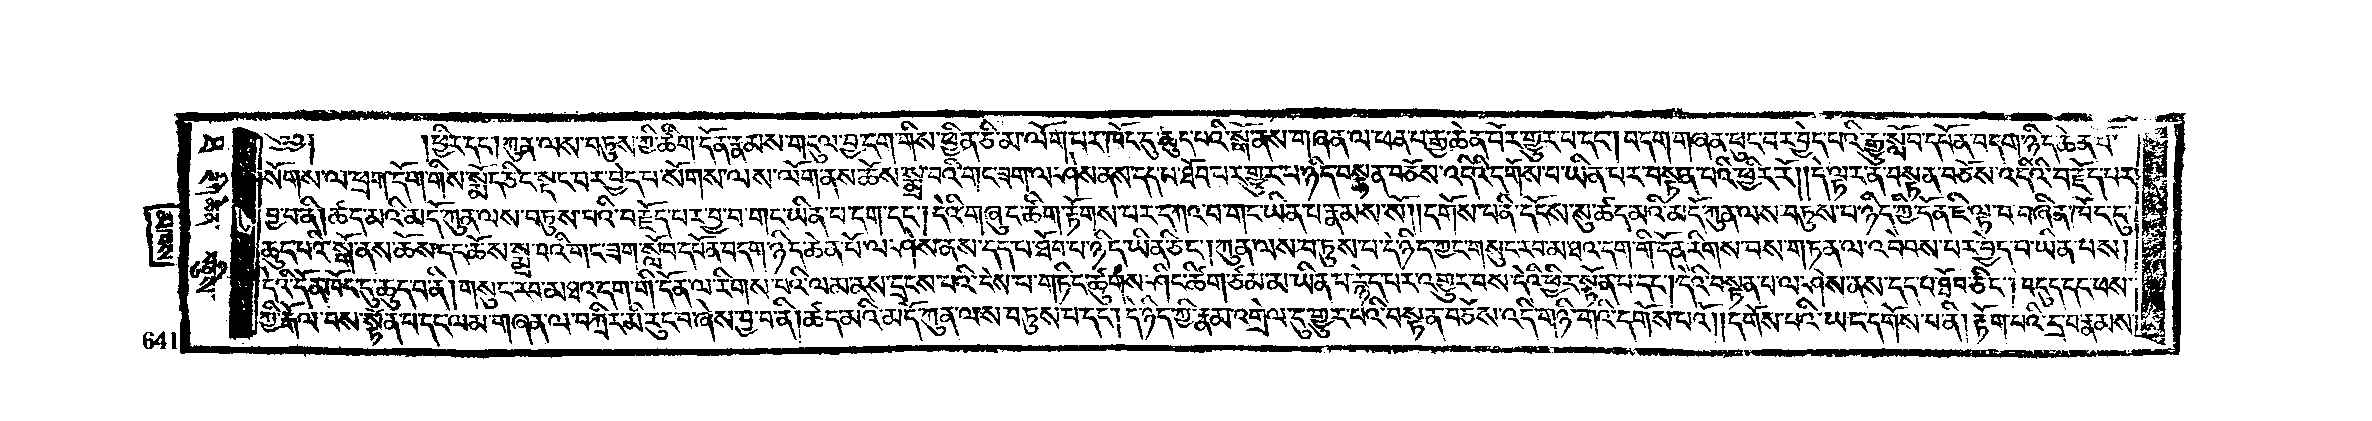༄༅། །ཕྱིར་དང་། ཀུན་ལས་བཏུས་ཀྱི་ཚིག་དོན་རྣམས་གདུལ་བྱ་དག་གིས་ཕྱིན་ཅི་མ་ལོག་པར་ཁོང་དུ་ཆུད་པའི་སྒོ་ནས་གཞན་ལ་ཕན་པ་རྒྱ་ཆེན་པོར་གྱུར་པ་དང་། བདག་གཞན་ཕུང་བར་བྱེད་པའི་རྒྱུ་སློབ་དཔོན་བདག་ཉིད་ཆེན་པོ་
སོགས་ལ་ཕྲག་དོག་གིས་སྨོད་ཅིང་སྡང་བར་བྱེད་པ་སོགས་ལས་ལོག་ནས་ཆོས་སྨྲ་བའི་གང་ཟག་ལ་ཤེས་ནས་དད་པ་ཐོབ་པར་གྱུར་པ་ཉིད་བསྟན་བཅོས་འདིའི་དགོས་པ་ཡིན་པར་བསྟན་པའི་ཕྱིར་རོ། །དེ་ལྟར་ན་བསྟན་བཅོས་འདིའི་བརྗོད་པར་
བྱ་བ་ནི། ཚད་མའི་མདོ་ཀུན་ལས་བཏུས་པའི་བརྗོད་པར་བྱ་བ་གང་ཡིན་པ་དག་དང་། དེའི་གཞུང་ཚིག་རྟོགས་པར་དཀའ་བ་གང་ཡིན་པ་རྣམས་སོ། །དགོས་པ་ནི་དངོས་སུ་ཚད་མའི་མདོ་ཀུན་ལས་བཏུས་པ་ཉིད་ཀྱི་དོན་ཇི་ལྟ་བ་བཞིན་ཁོང་དུ་
ཆུད་པའི་སྒོ་ནས་ཆོས་དད་ཆོས་སྨྲ་བའི་གང་ཟག་སློབ་དཔོན་བདག་ཉིད་ཆེན་པོ་ལ་ཤེས་ནས་དད་པ་ཐོབ་པ་ཉིད་ཡིན་ཅིང་། ཀུན་ལས་བཏུས་པ་དེ་ཉིད་ཀྱང་གསུང་རབ་མཐའ་དག་གི་དོན་རིགས་པས་གཏན་ལ་འབེབས་པར་བྱེད་པ་ཡིན་པས།
དེའི་དོན་ཁོང་དུ་ཆུད་པ་ནི། གསུང་རབ་མཐའ་དག་གི་དོན་ལ་རིགས་པའི་ལམ་ནས་དྲངས་པའི་ངེས་པ་གཏིང་ཚུགས་ཤིང་ཚིགས་ཙམ་མ་ཡིན་པ་རྙེད་པར་འགྱུར་བས་དེའི་ཕྱིར་སྟོན་པ་དང་། དེའི་བསྟན་པ་ལ་ཤེས་ནས་དད་པ་ཐོབ་ཅིང་། བདུད་དང་ཕས་
ཀྱི་རྒོལ་བས་སྟོན་པ་དང་ལམ་གཞན་ལ་བཀྲིར་མི་རུང་བ་ཞེས་བྱ་བ་ནི། ཚད་མའི་མདོ་ཀུན་ལས་བཏུས་པ་དང་། དེ་ཉིད་ཀྱི་རྣམ་འགྲེལ་དུ་གྱུར་པའི་བསྟན་བཅོས་འདི་གཉི་གའི་དགོས་པའོ། །དགོས་པའི་ཡང་དགོས་པ་ནི། རྟོག་པའི་དྲ་བ་རྣམས་